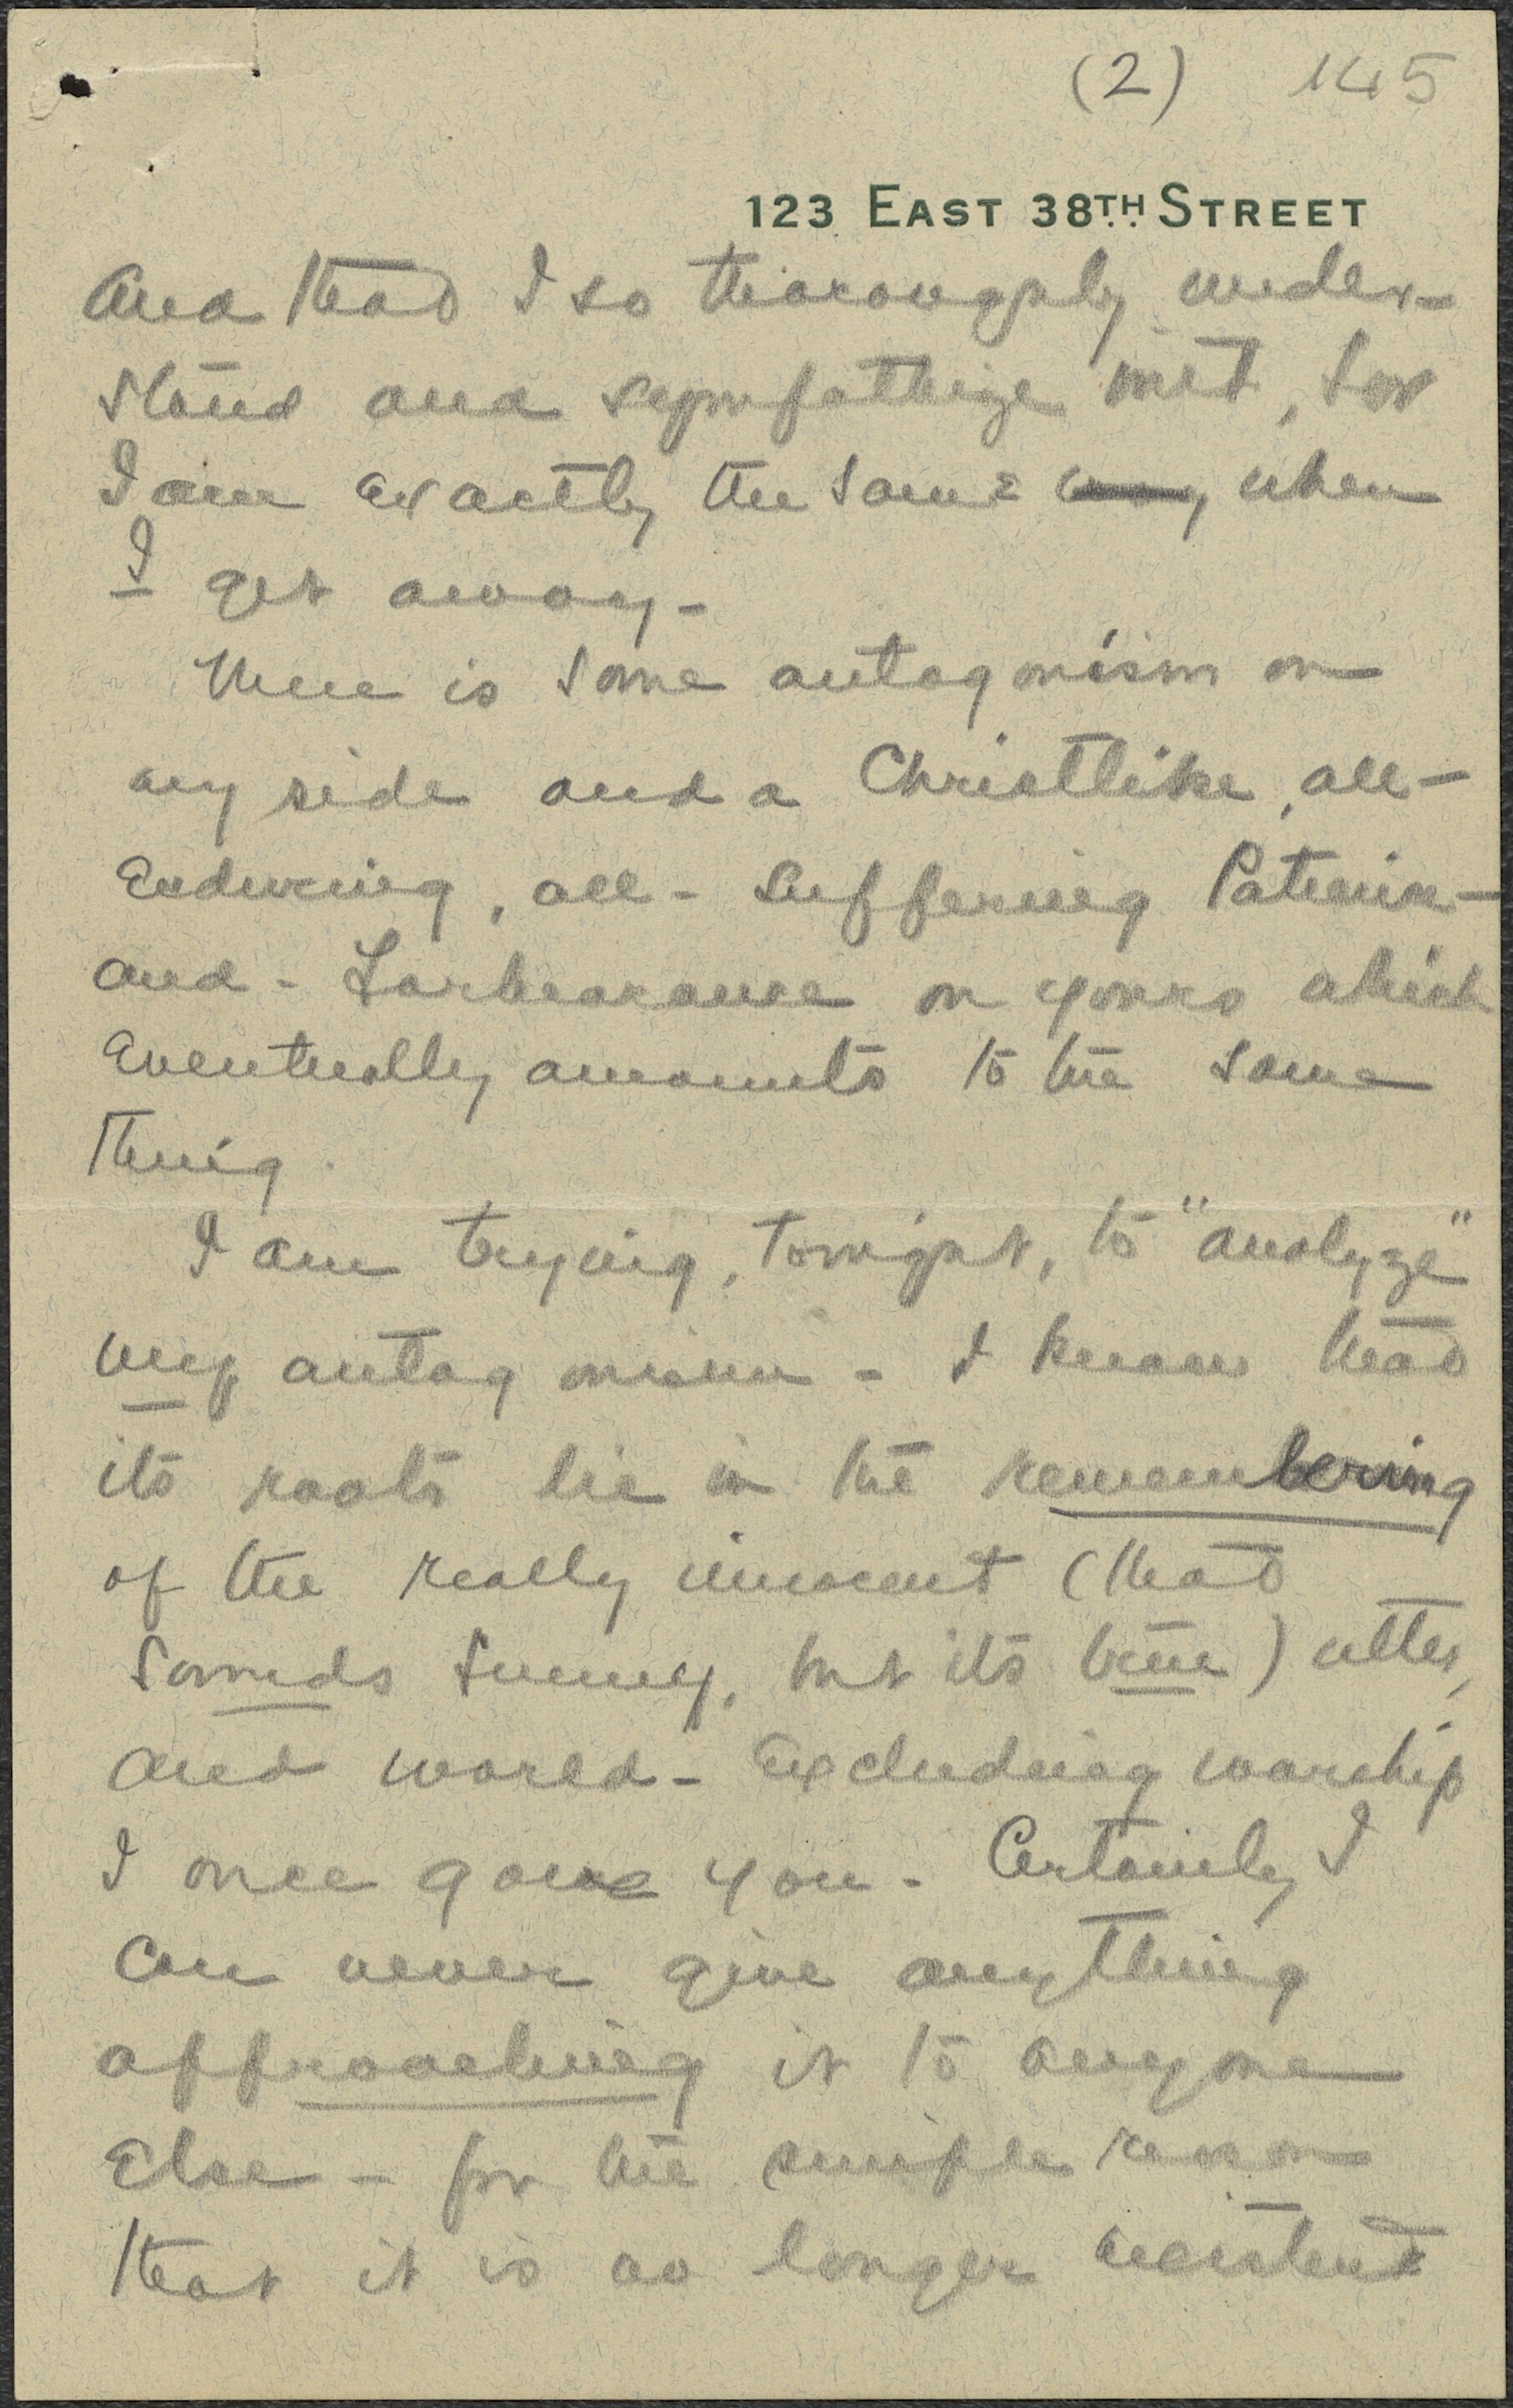And that I so thoroughly understand and sympathize with, for I am exactly the same way when I get away –
There is some antagonism on my side and a Christlike, all-Enduring, all-suffering Patience – and – Forbearance on yours which eventually amounts to the same thing.
I am trying, tonight, to "analyze" my antagonism – I know that its roots lie in the remembering of the really innocent (that sounds funny, but its true) utter, and world-excluding worship I once gave you. Certainly I can never give anything approaching it to anyone else – for the simple reason that it is no longer existent